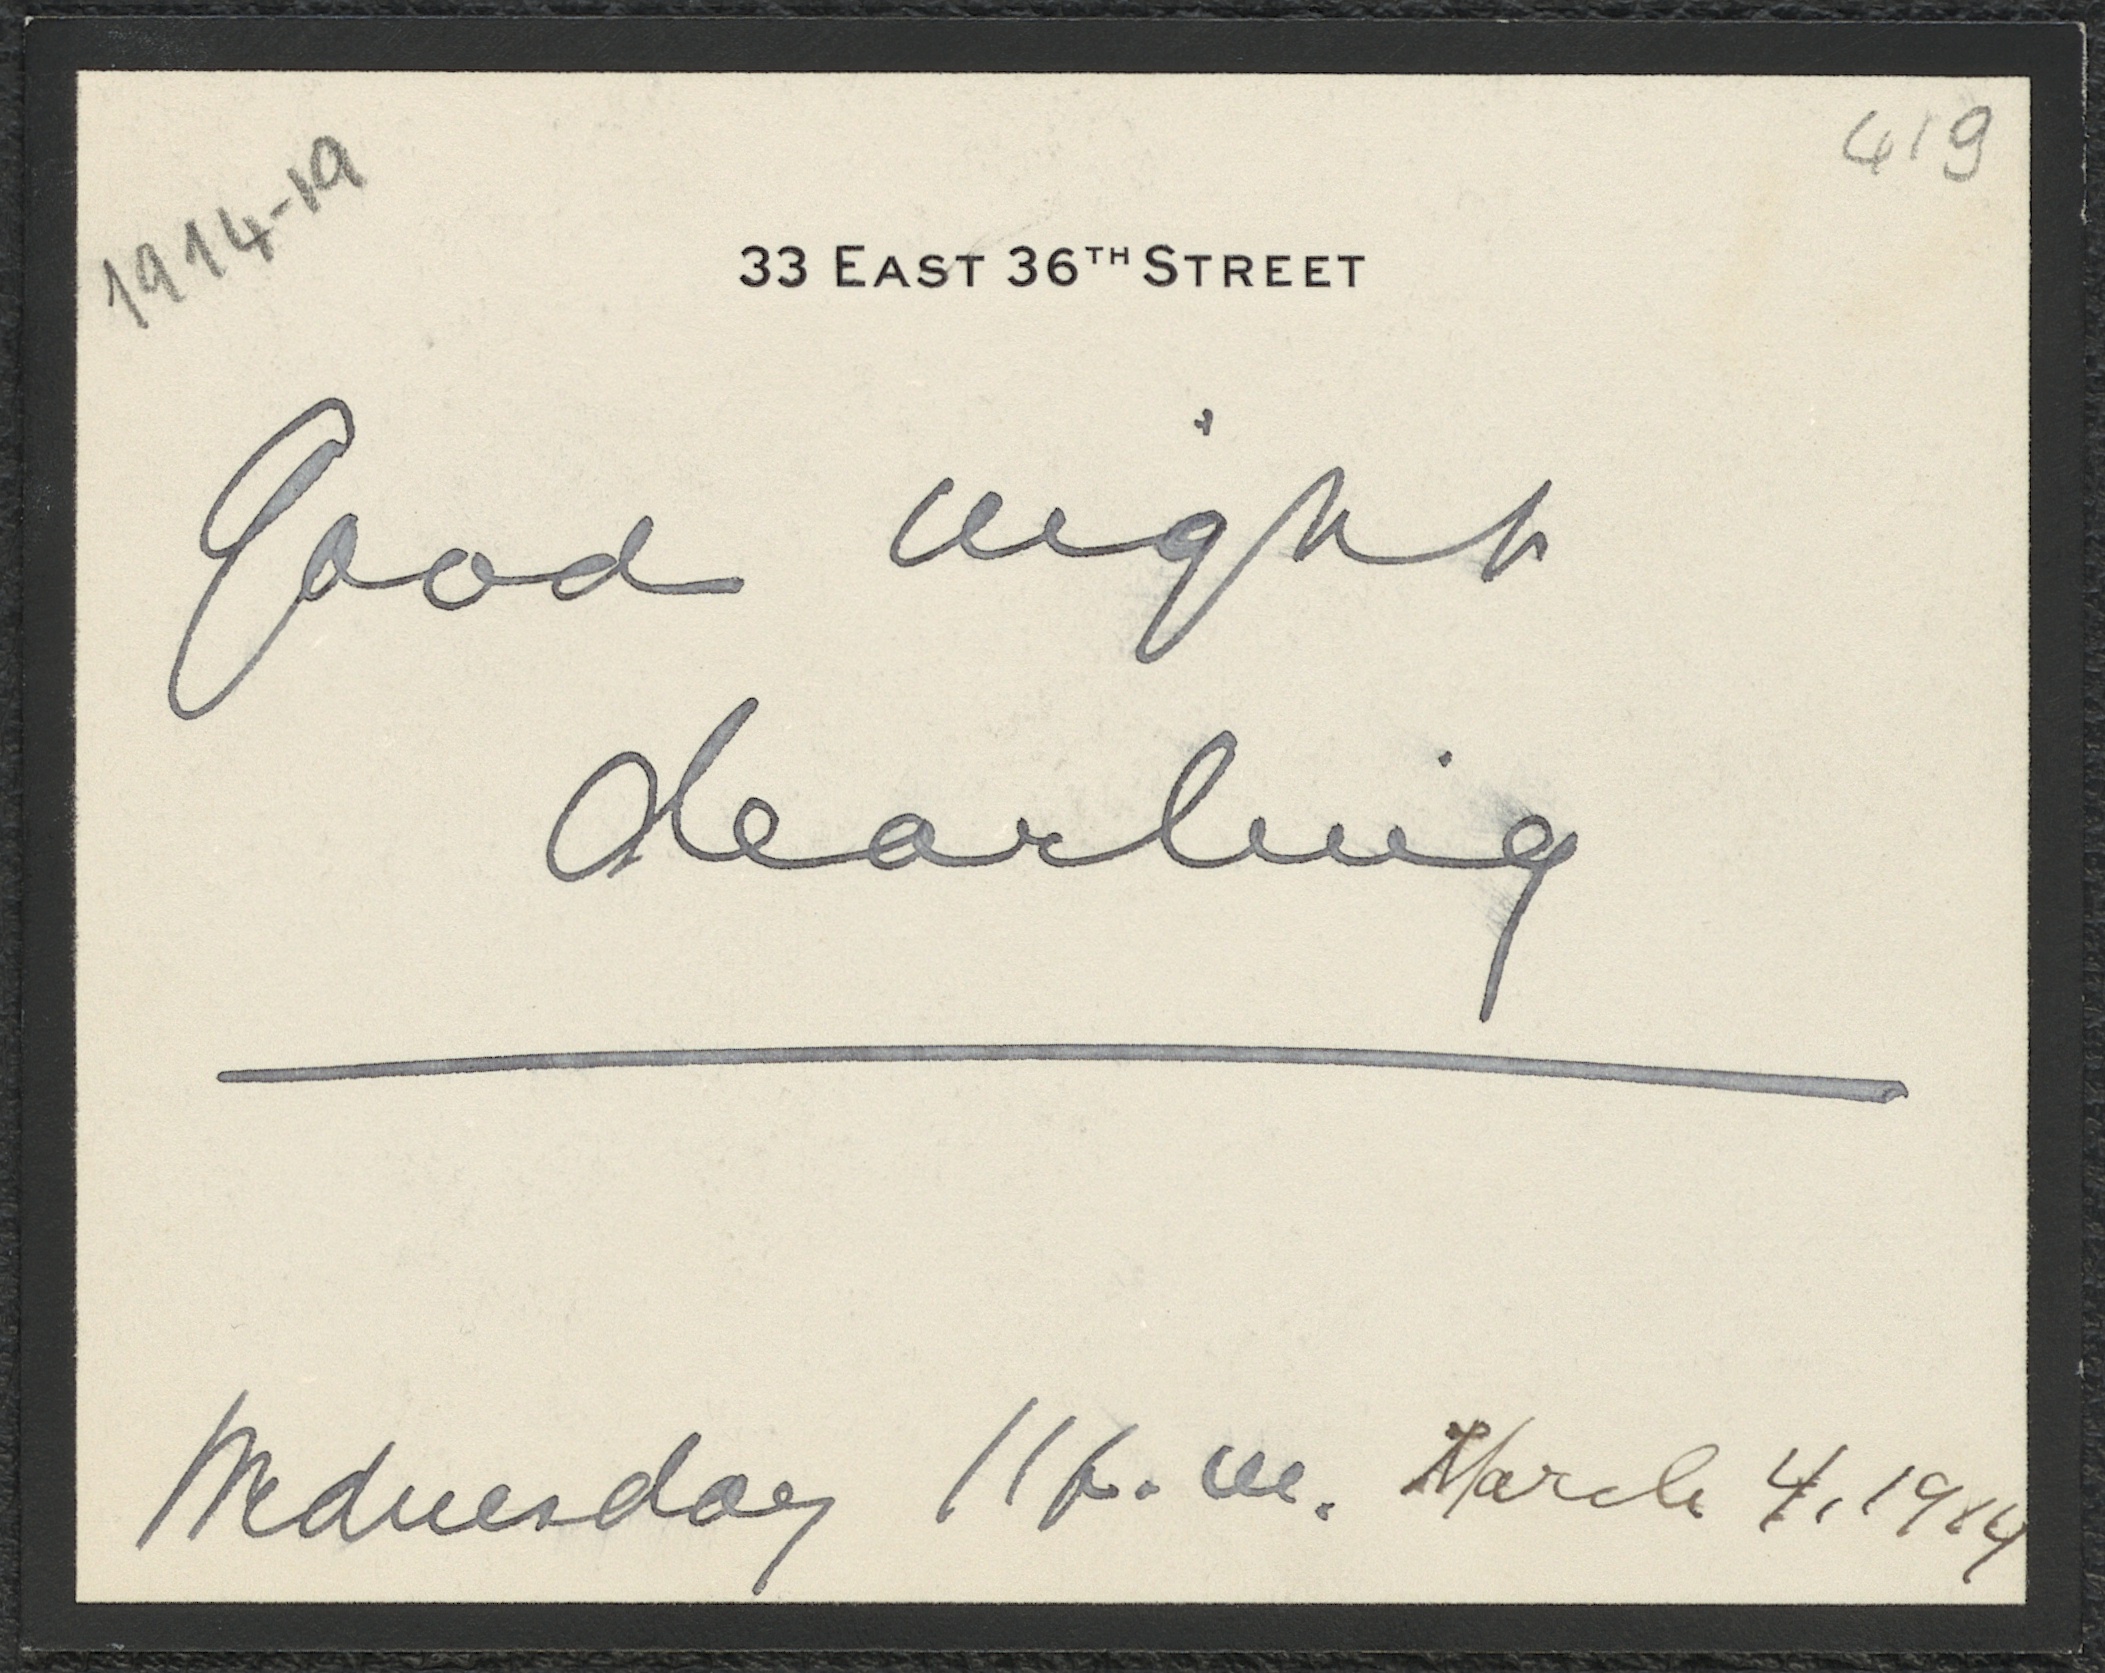Good night
dearling
Wednesday 11 p.m.